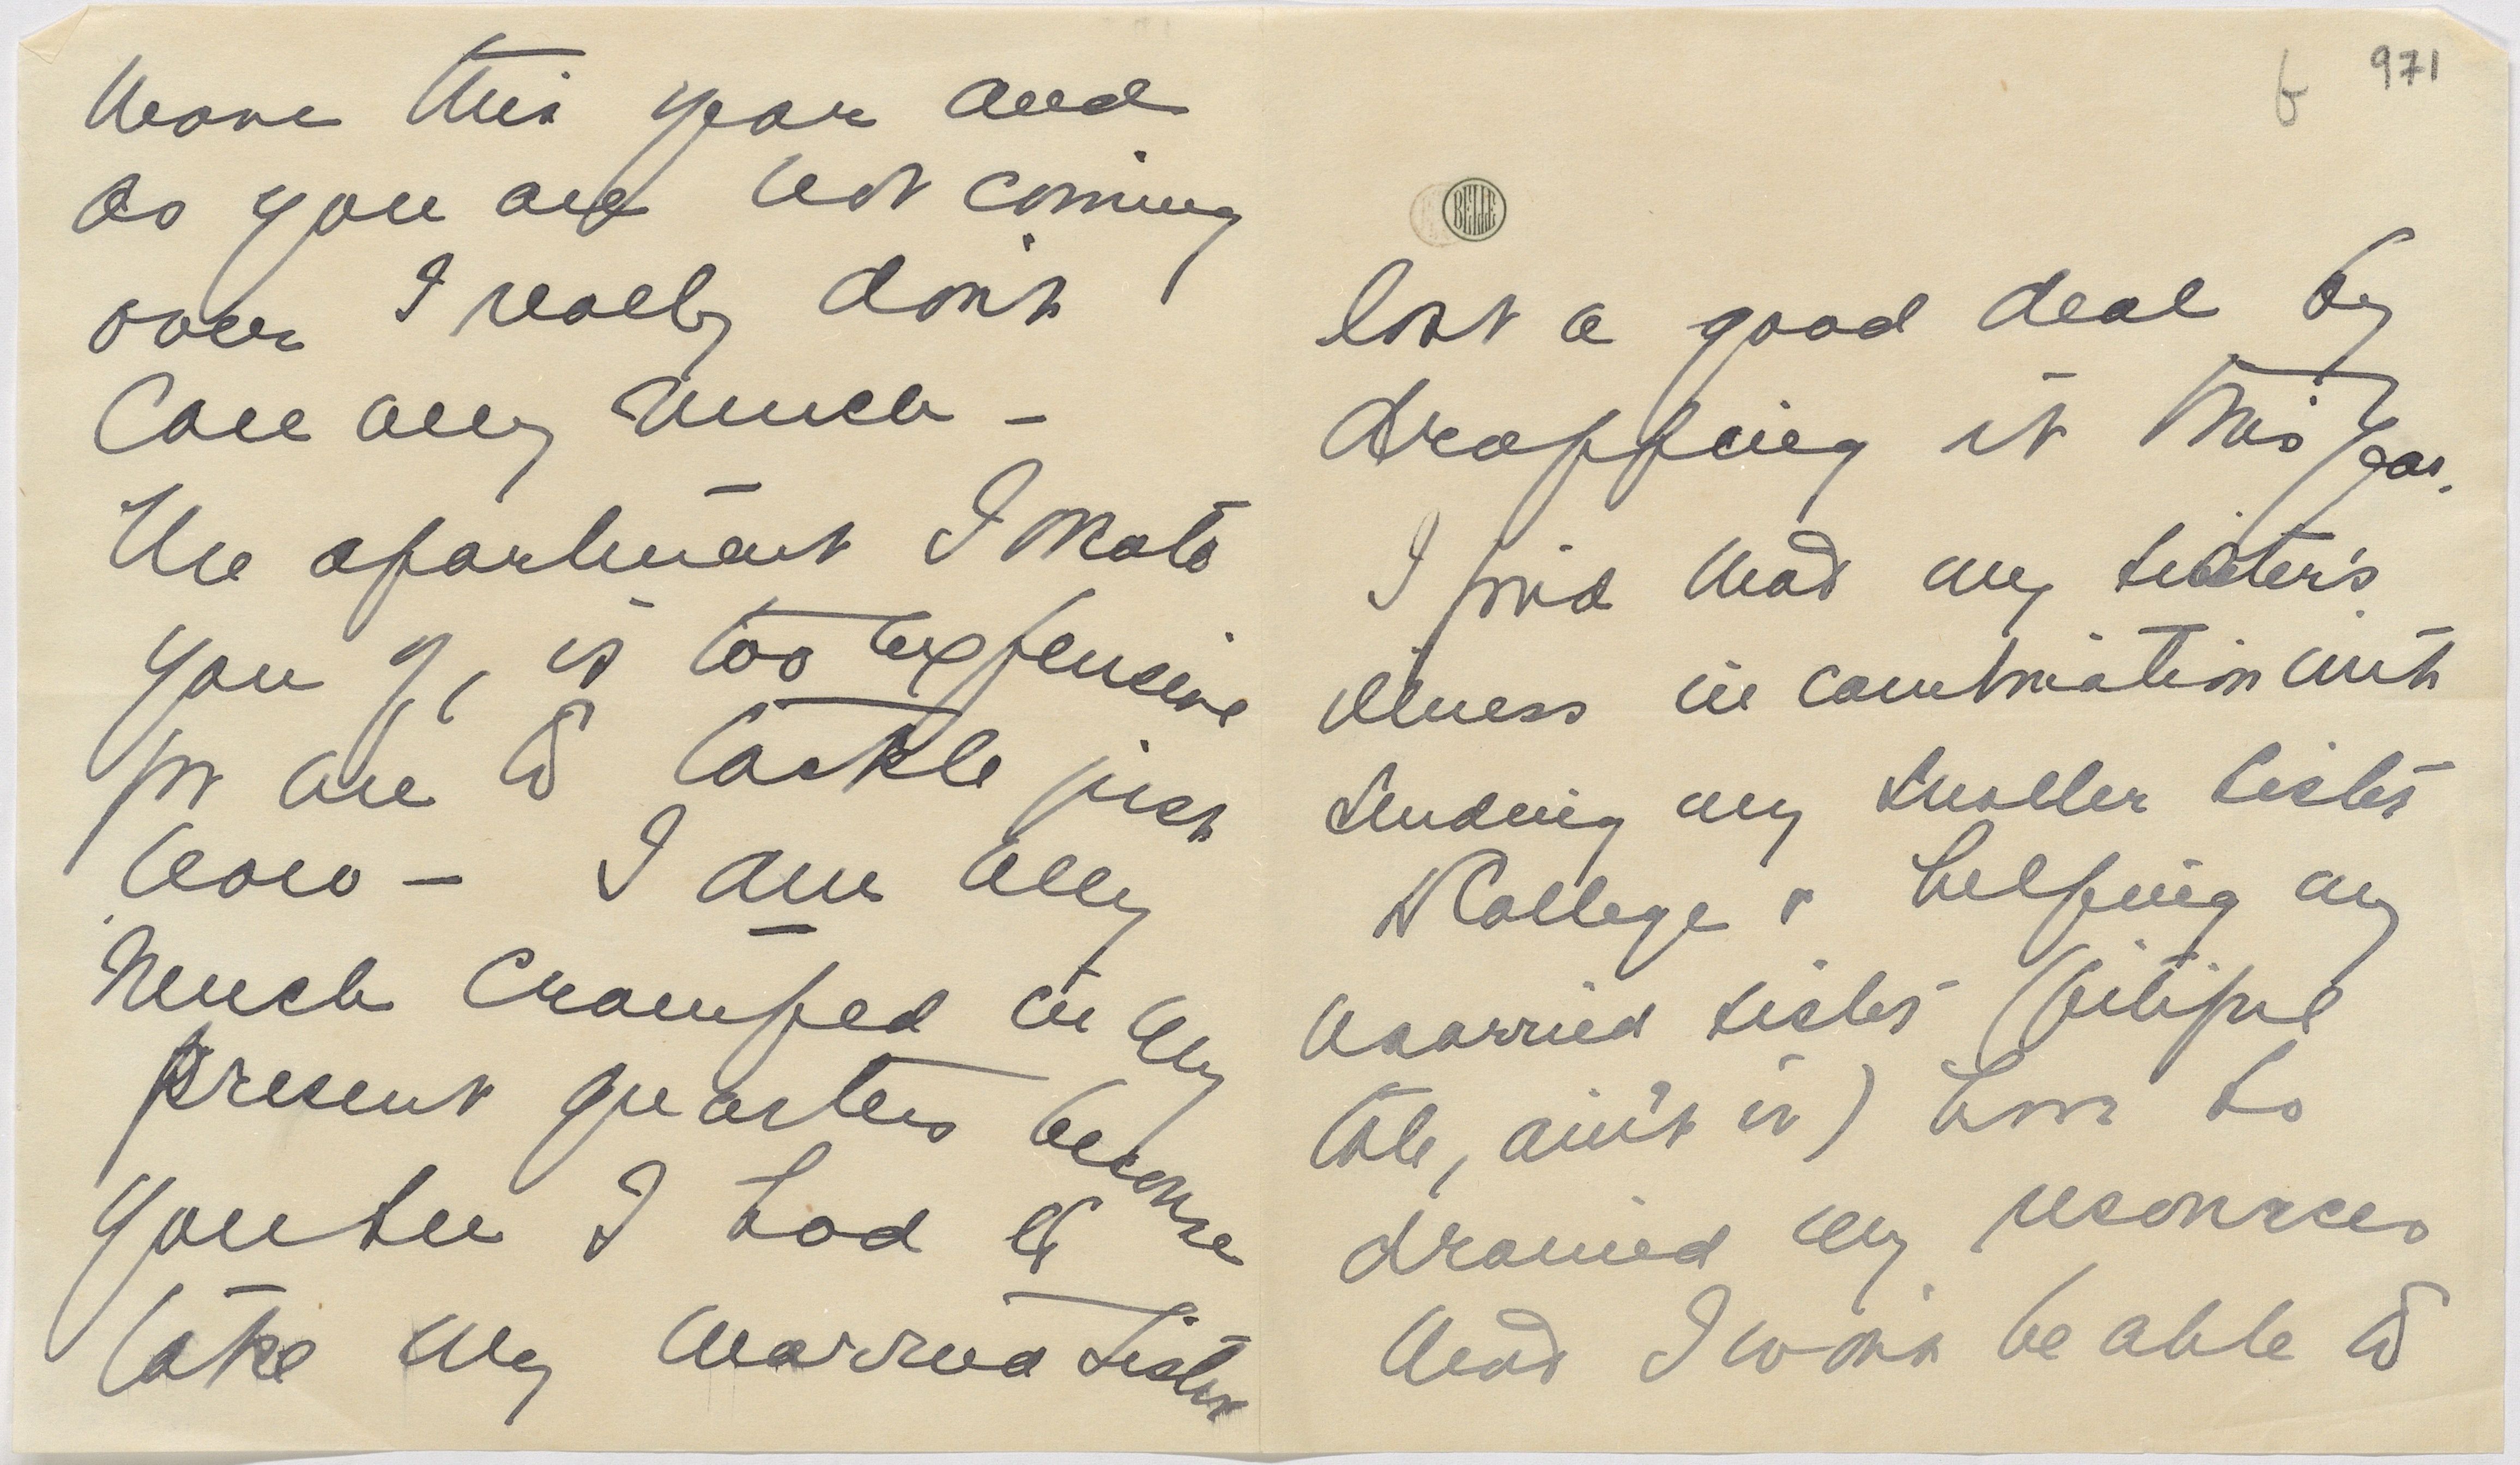last a good deal by dropping it this year.
I find that my sister’s illness in combination with sending my smaller sister to college & helping my married sister (pitiful tale, ain’t it) have so drained my resources that I won’t be able to
move this year and as you are not coming over I really don’t care very much – The apartment I wrote you of, is too expensive for me to tackle just now – I am very much cramped in my present quarters because you see I had to take my married sister